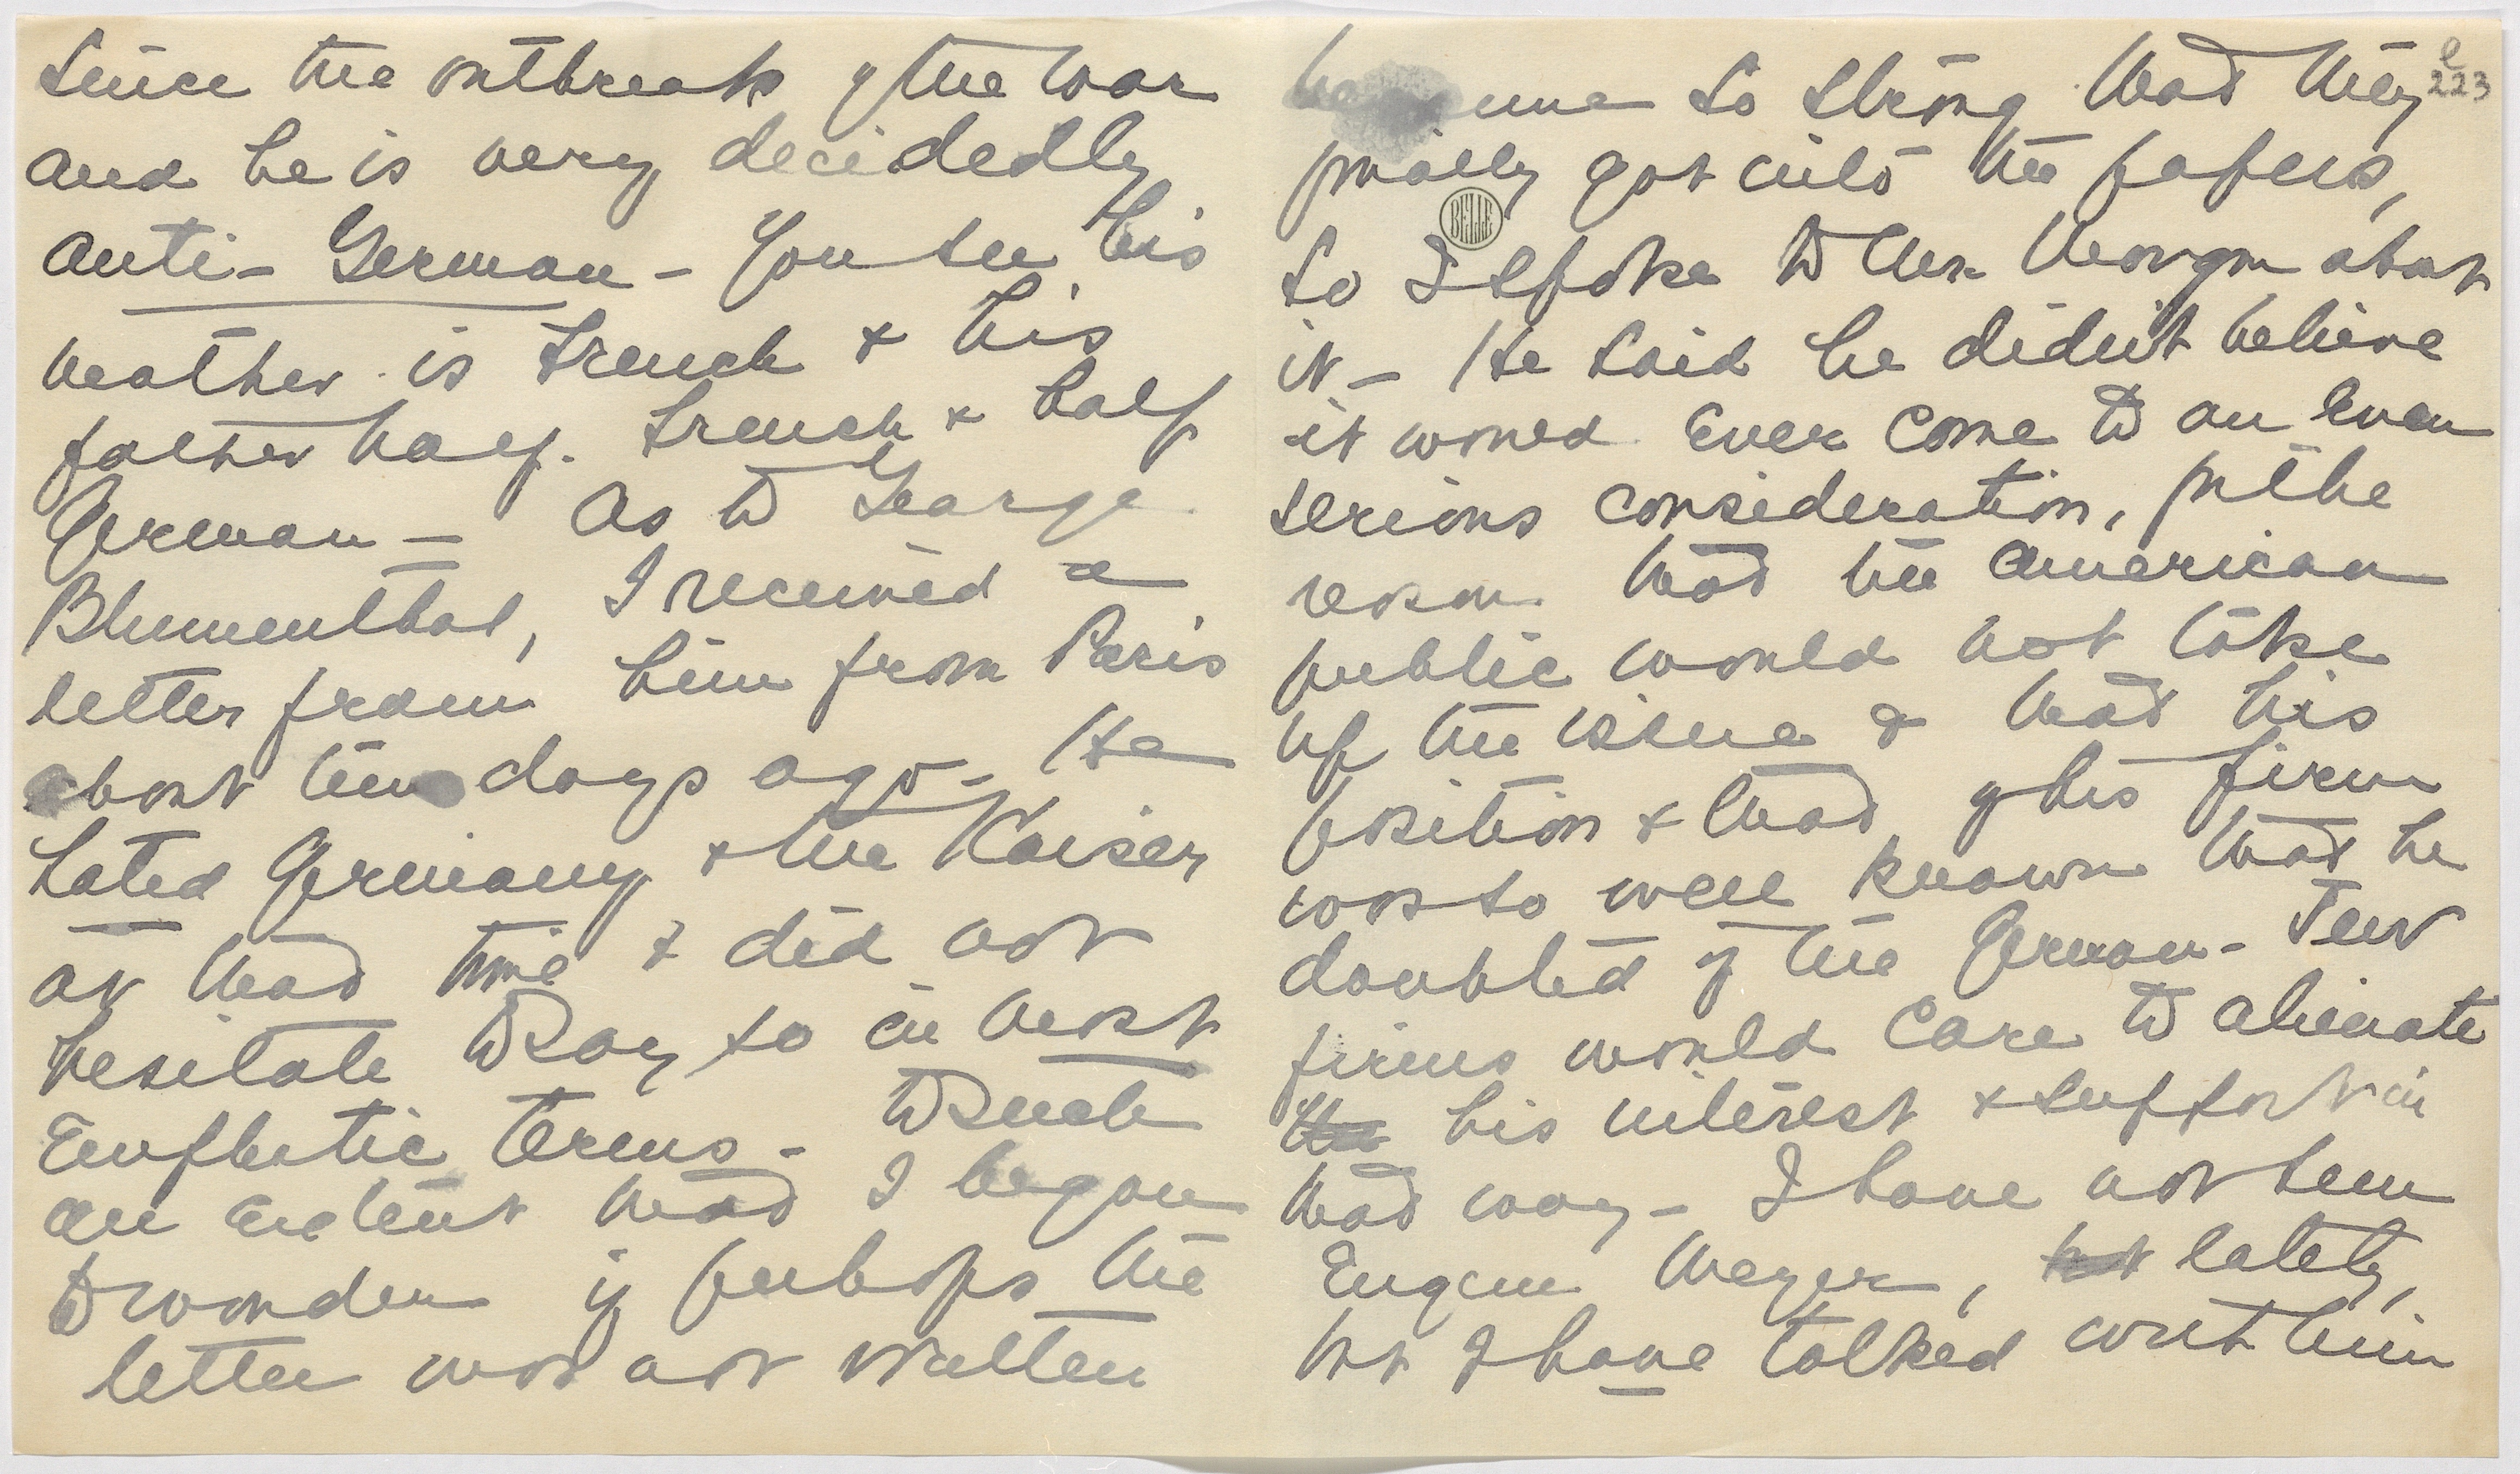became so strong that they finally got into the papers, so I spoke to Mr. Morgan about it – He said he didn’t believe it would ever come to an even serious consideration, for the reason that the American public would not take up the issue & that his position & that of his firm was so well known that he doubted if the German-Jew firms would care to alienate the his interest & support in that way – I have not seen Eugene Meyer, but lately, but I have talked with him
since the outbreak of the war and he is very decidedly anti-German – You see this mother is French & his father half French & half German– As to George Blumenthal, I received a letter from him from Paris about ten days ago – He hated Germany & the Kaiser at that time & did not hesitate to say so in most emphatic terms – to such an extent that I began to wonder if perhaps the letter was not written